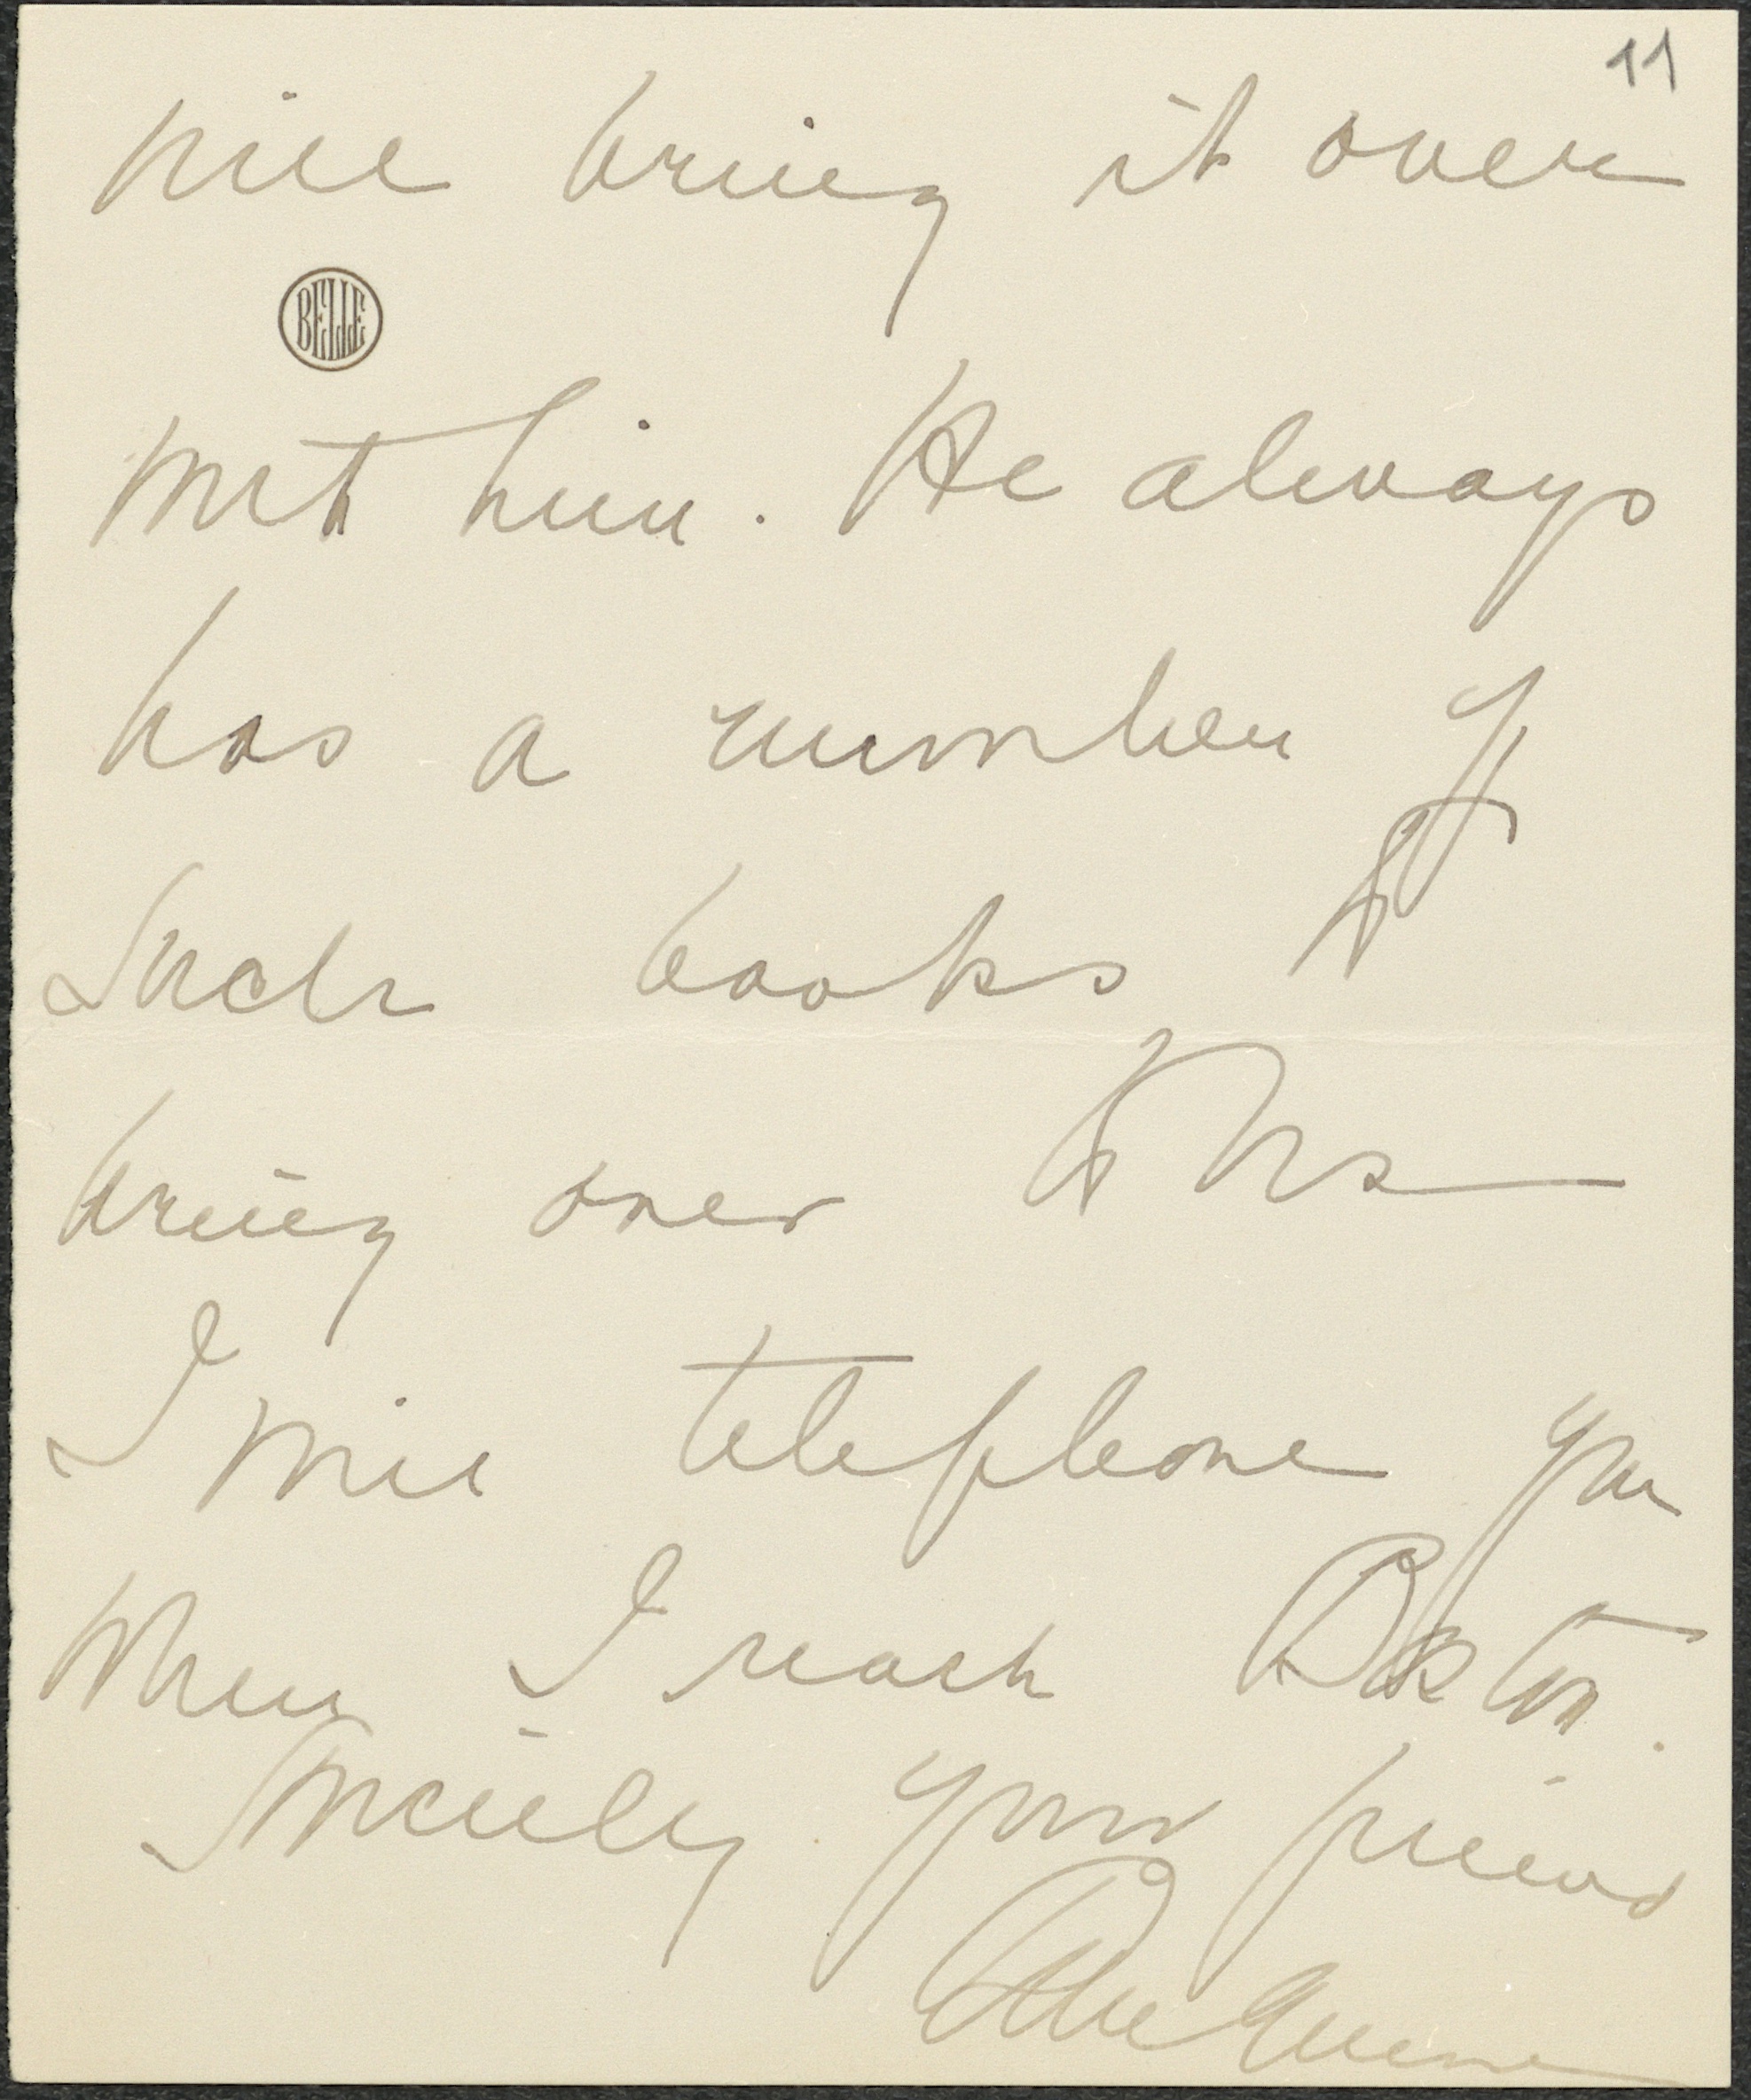will bring it over with him. He always has a number of such books to bring over to us
I will telephone you when I reach Boston.
Sincerely your friend
Belle Greene